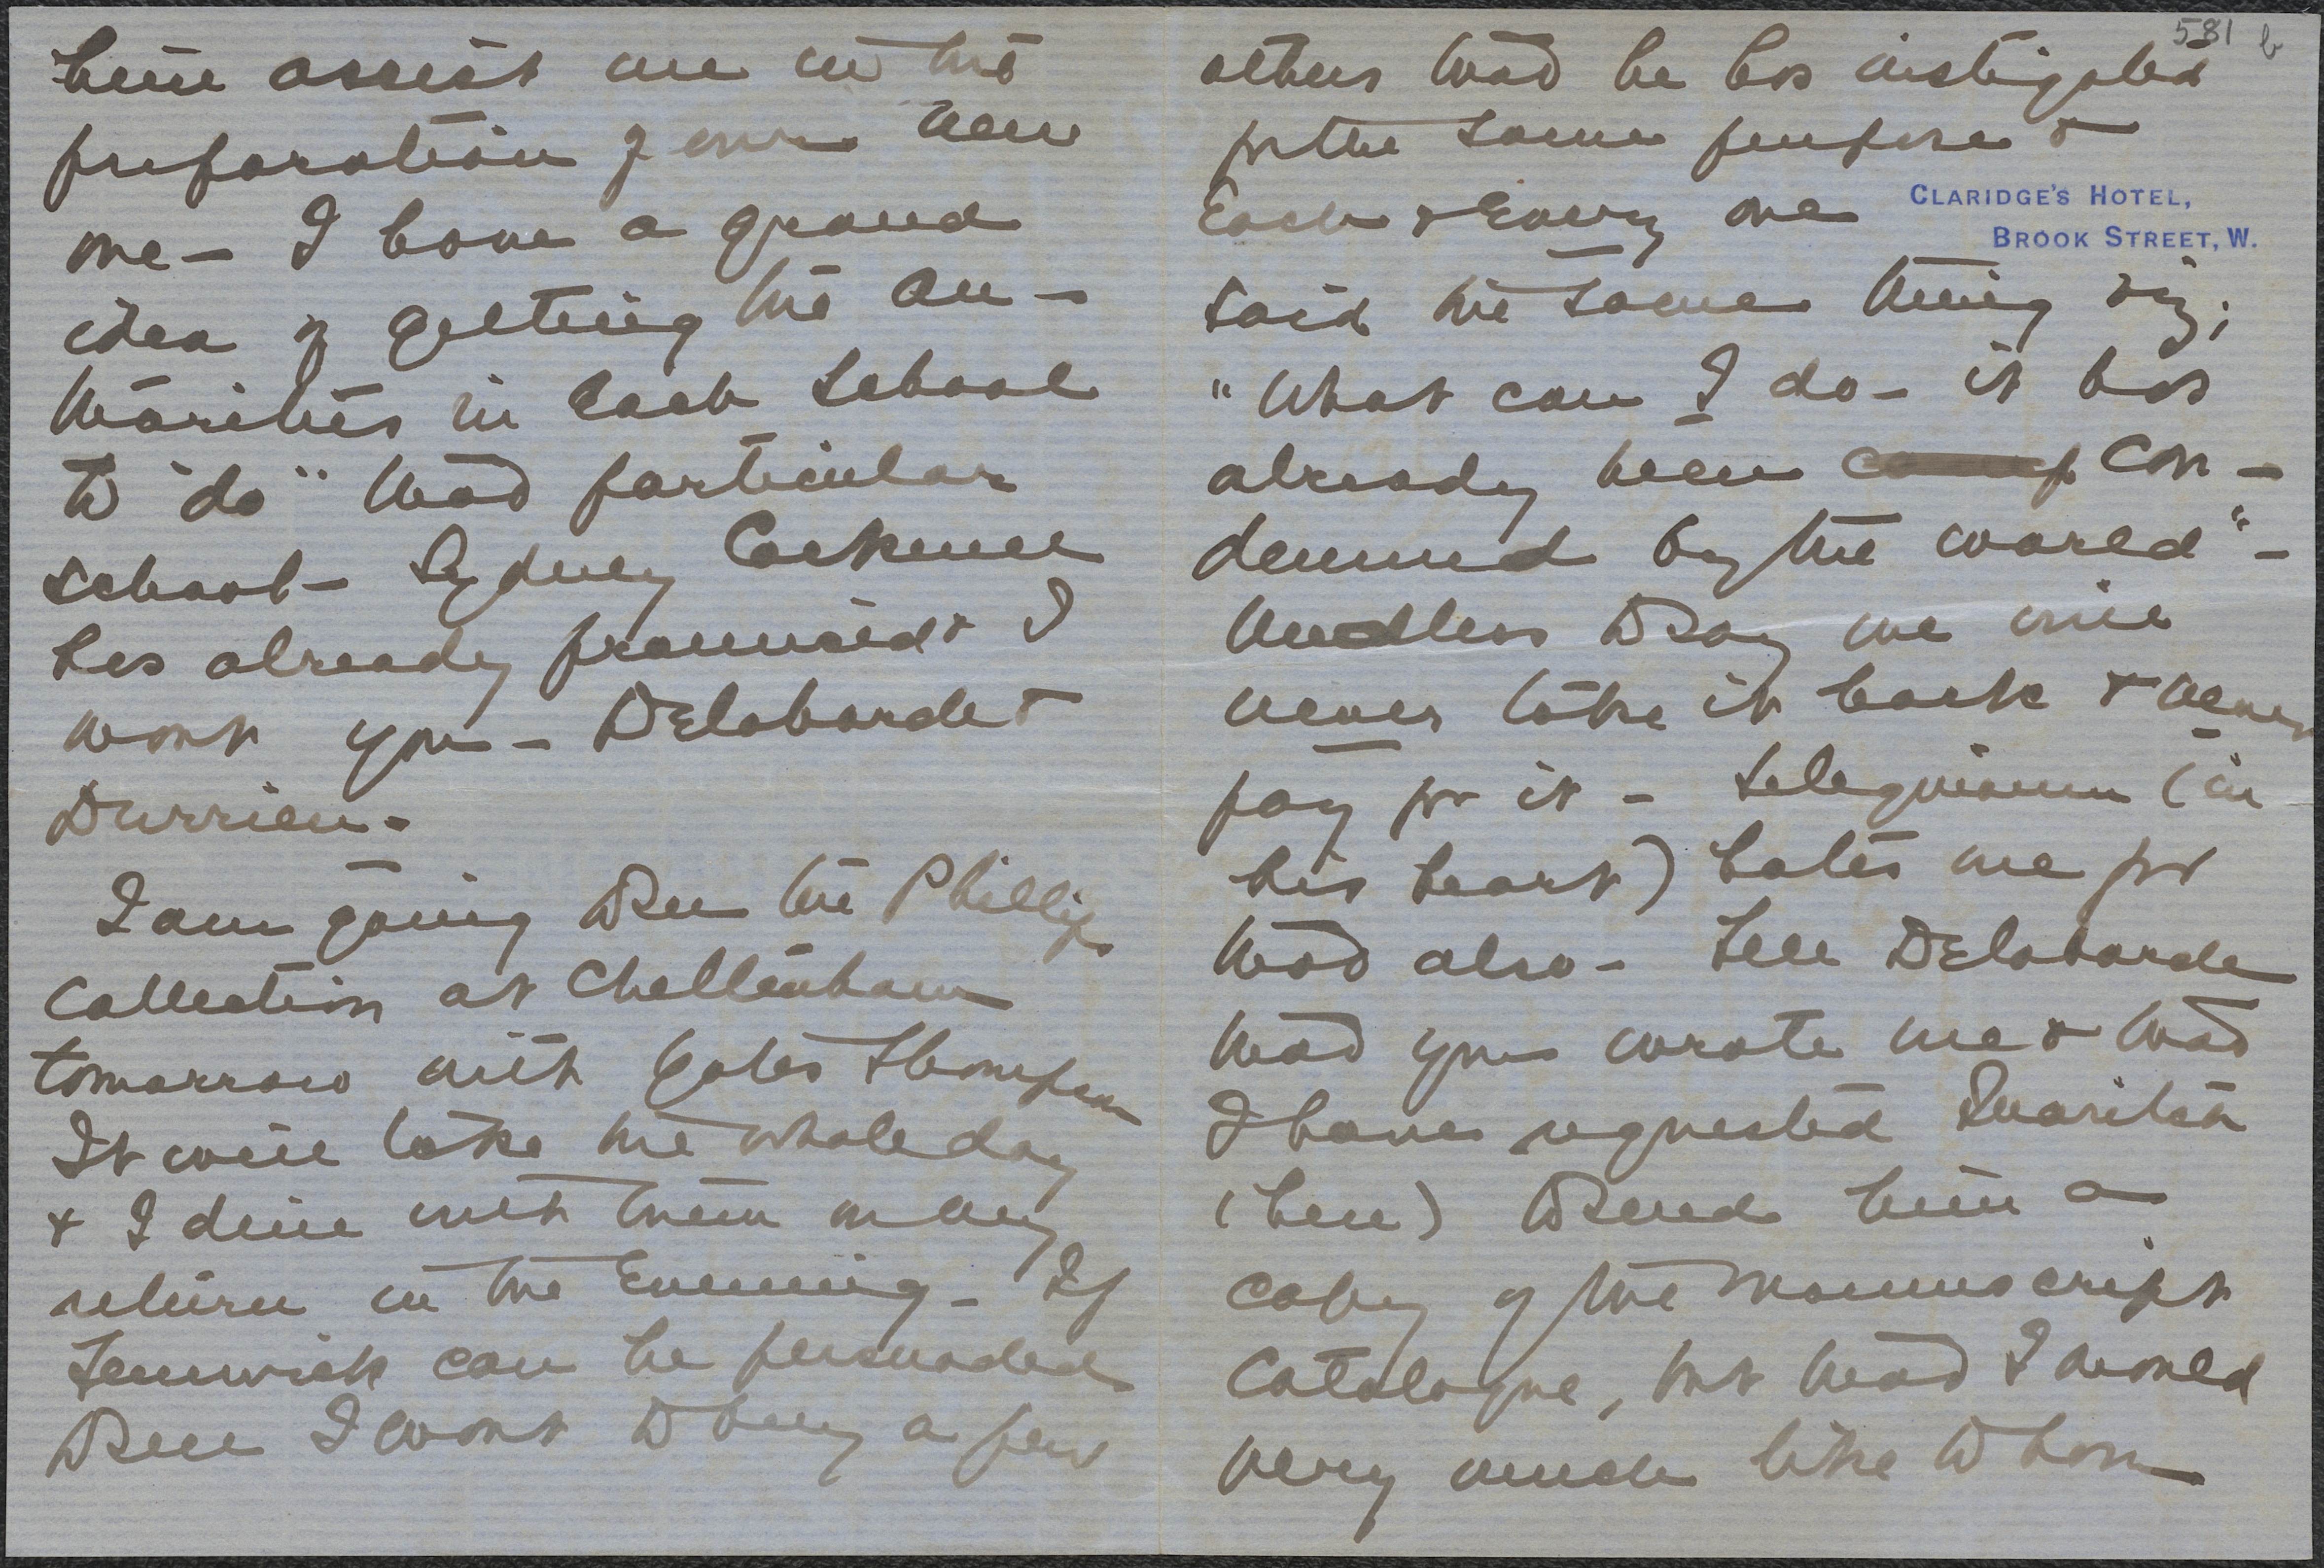others that he has instigated for the same purpose & each & every one said the same thing viz; “What can I do – it has already been corr condemned by the world” – Needless to say we will never take it back & never pay for it – Seligmann (in his heart) hates me for that also – Tell Delaborde that you wrote me & that I have requested Quaritch (here) to send him a copy of the Manuscript Catalogue, but that I would very much like to have
him assist me in the preparation of our new one – I have a grand idea of getting the authorities in each school to “do” that particular school – Sydney Cockerell has already provided & I want you – Delaborde & Durrieu –
I am going to see the Phillips Collection at Cheltenham tomorrow with Yates Thompson
It will take the whole day & I dine with them on my return in the Evening – If Fenwick can be persuaded to sell I want to buy a few